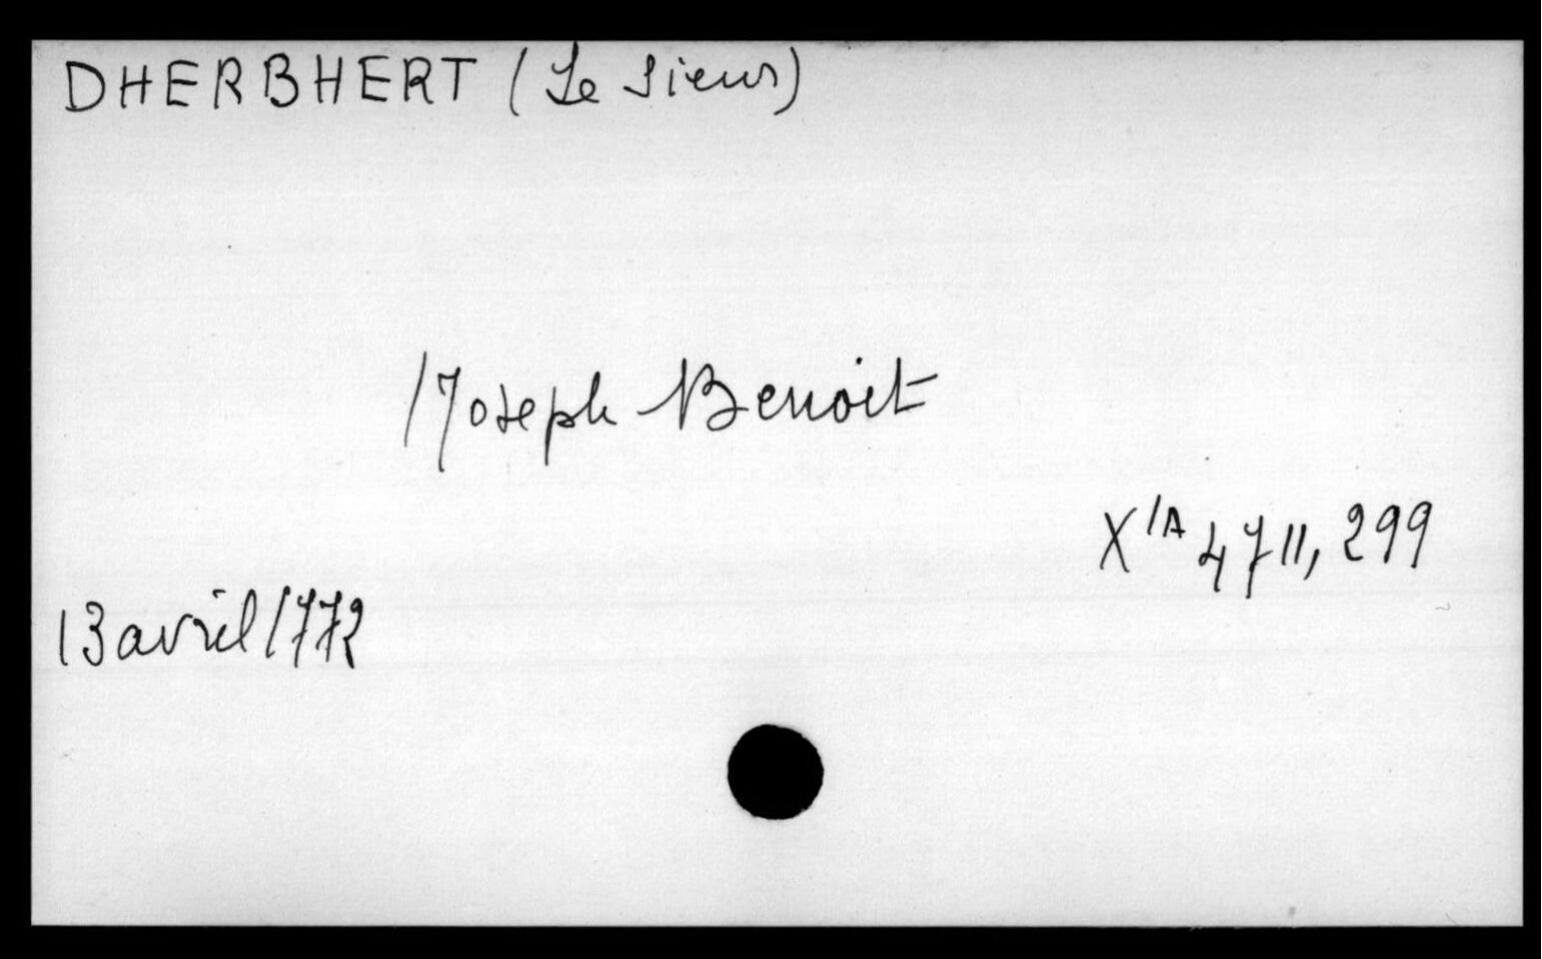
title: DHERBHERT (Le Sieur)
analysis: Contre Joseph Benoit
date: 13 avril 1772
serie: X1A
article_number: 4711
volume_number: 299
